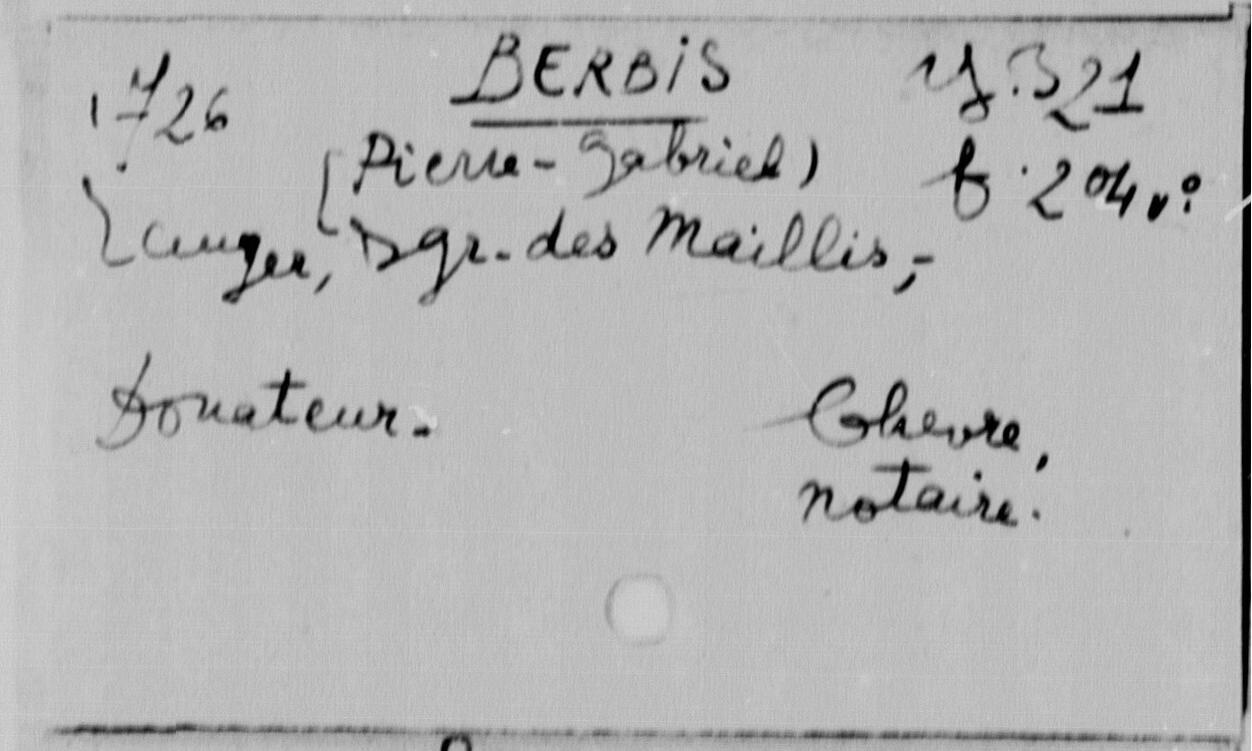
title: BERBIS (Pierre-Gabriel)
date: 1726
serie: Y
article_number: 321
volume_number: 204v
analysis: Écuyer, seigneur des Maillis. Donateur Chevre, notaire
